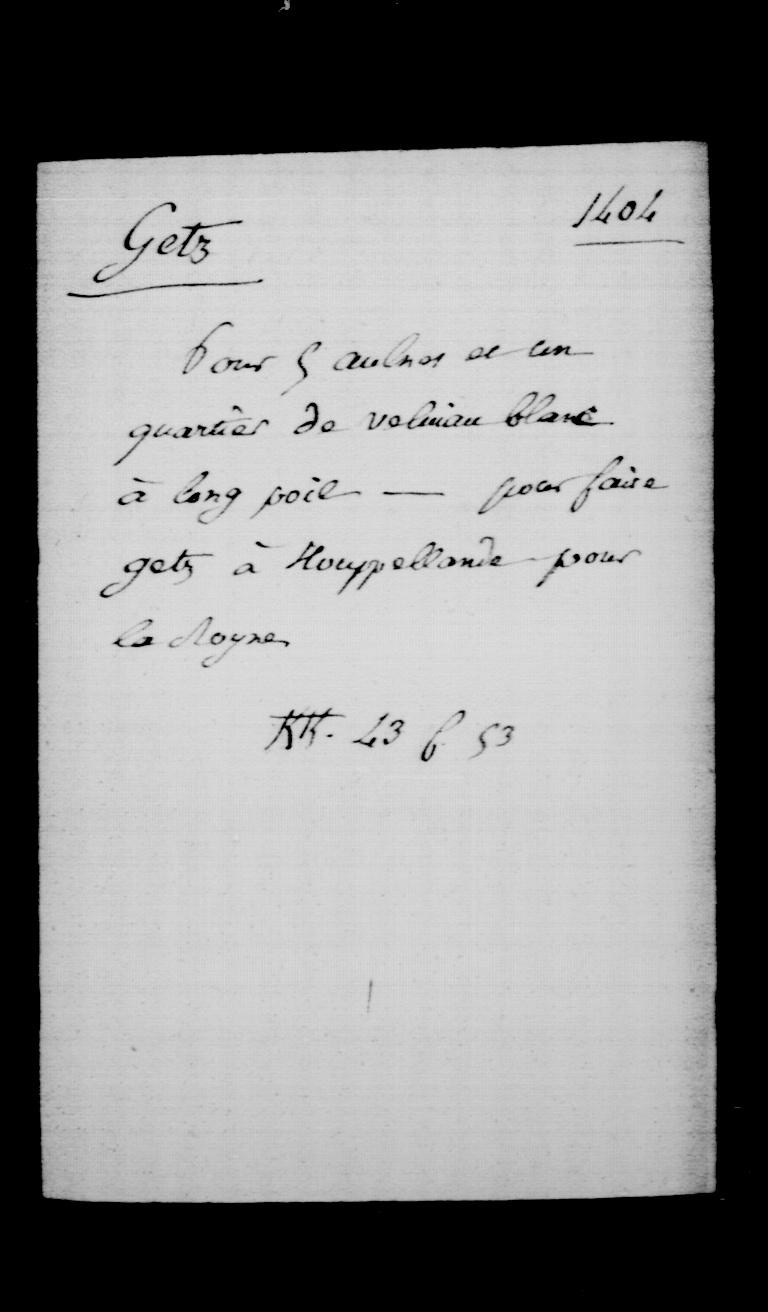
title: Getz
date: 1404
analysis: Pour 5 aulnes et un quartier de velin au blanc à long poil – pour faire getz à houppellande pour la Royne.
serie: KK
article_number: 43
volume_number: fol. 53
